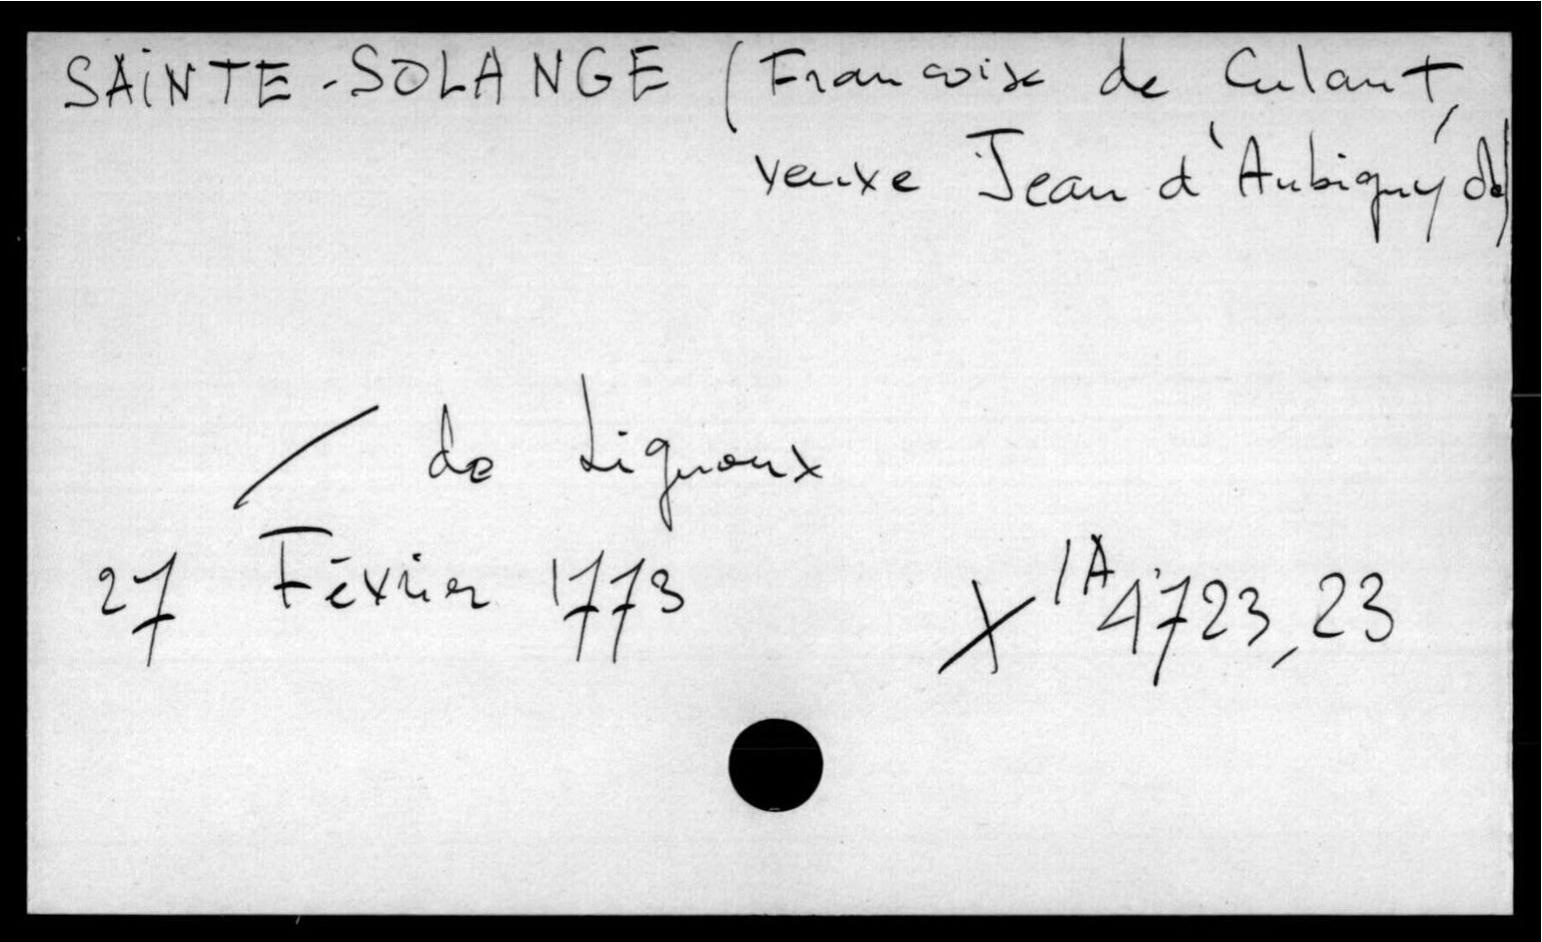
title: SAINTE-SOLANGE (Françoise de Culant, veuve Jean d'Aubigny de)
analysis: Contre de liguoux
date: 27 février 1773
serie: X1A
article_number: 4723
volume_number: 23
